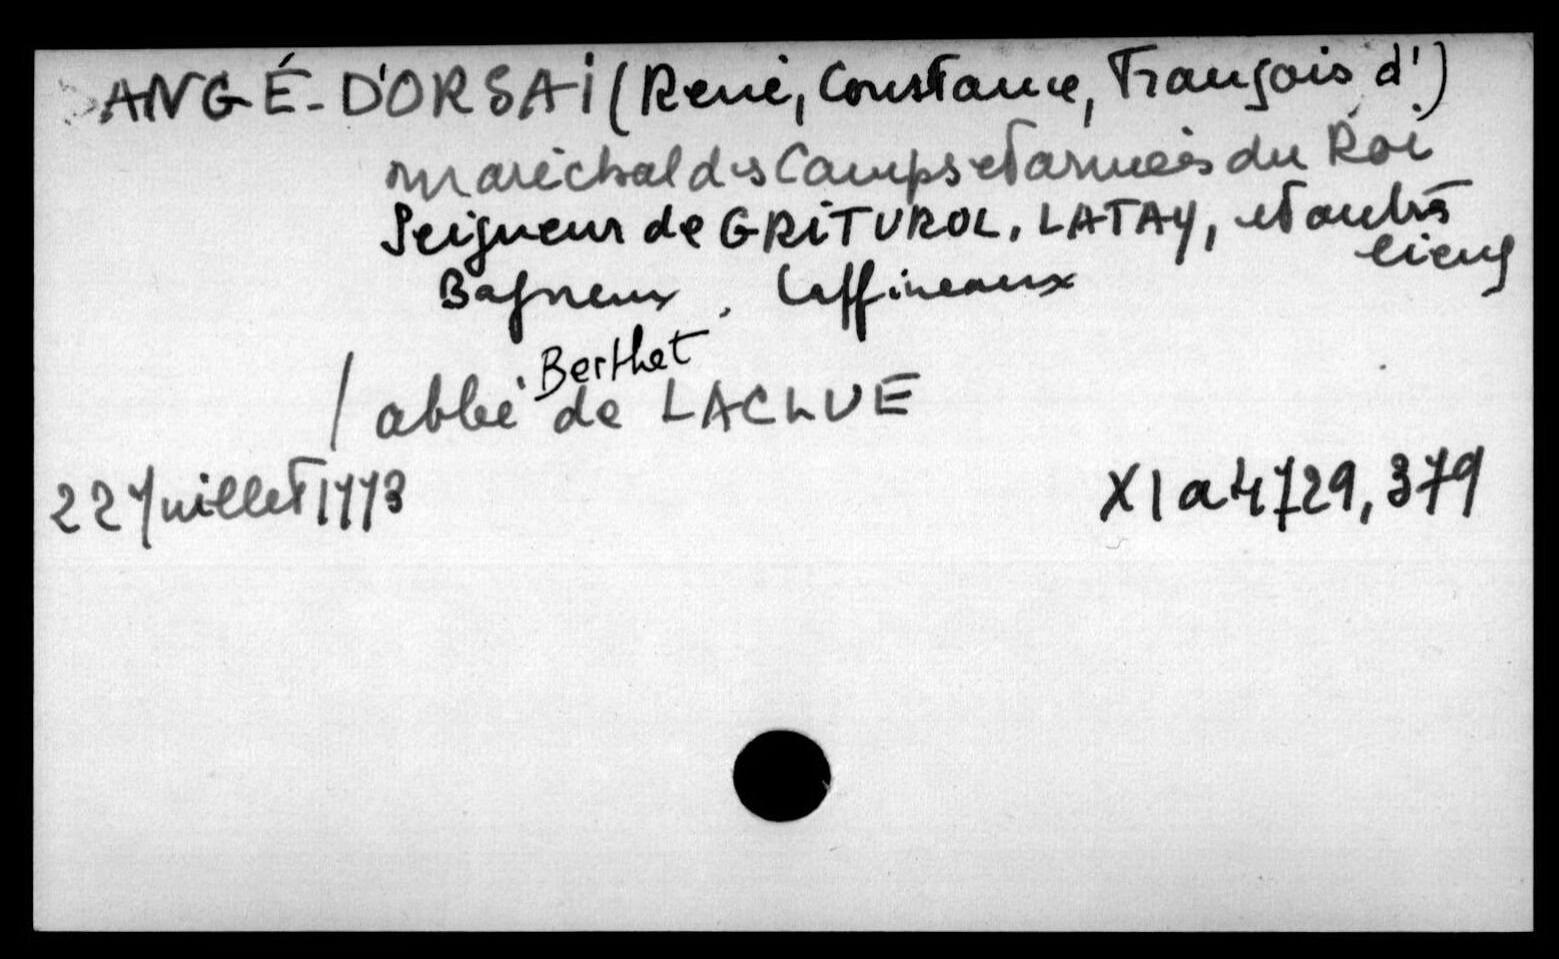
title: ANGÉ-D'ORSAI (Renée constance, François d') maréchal des camps et armées du roi Seigneur de GRITUROL, LATAY, Bagneux, Laffineaux, et autres lieux
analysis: Contre abbé Berthet de LACHUE
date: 22 juillet 1773
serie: X1a
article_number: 4729
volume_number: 379
